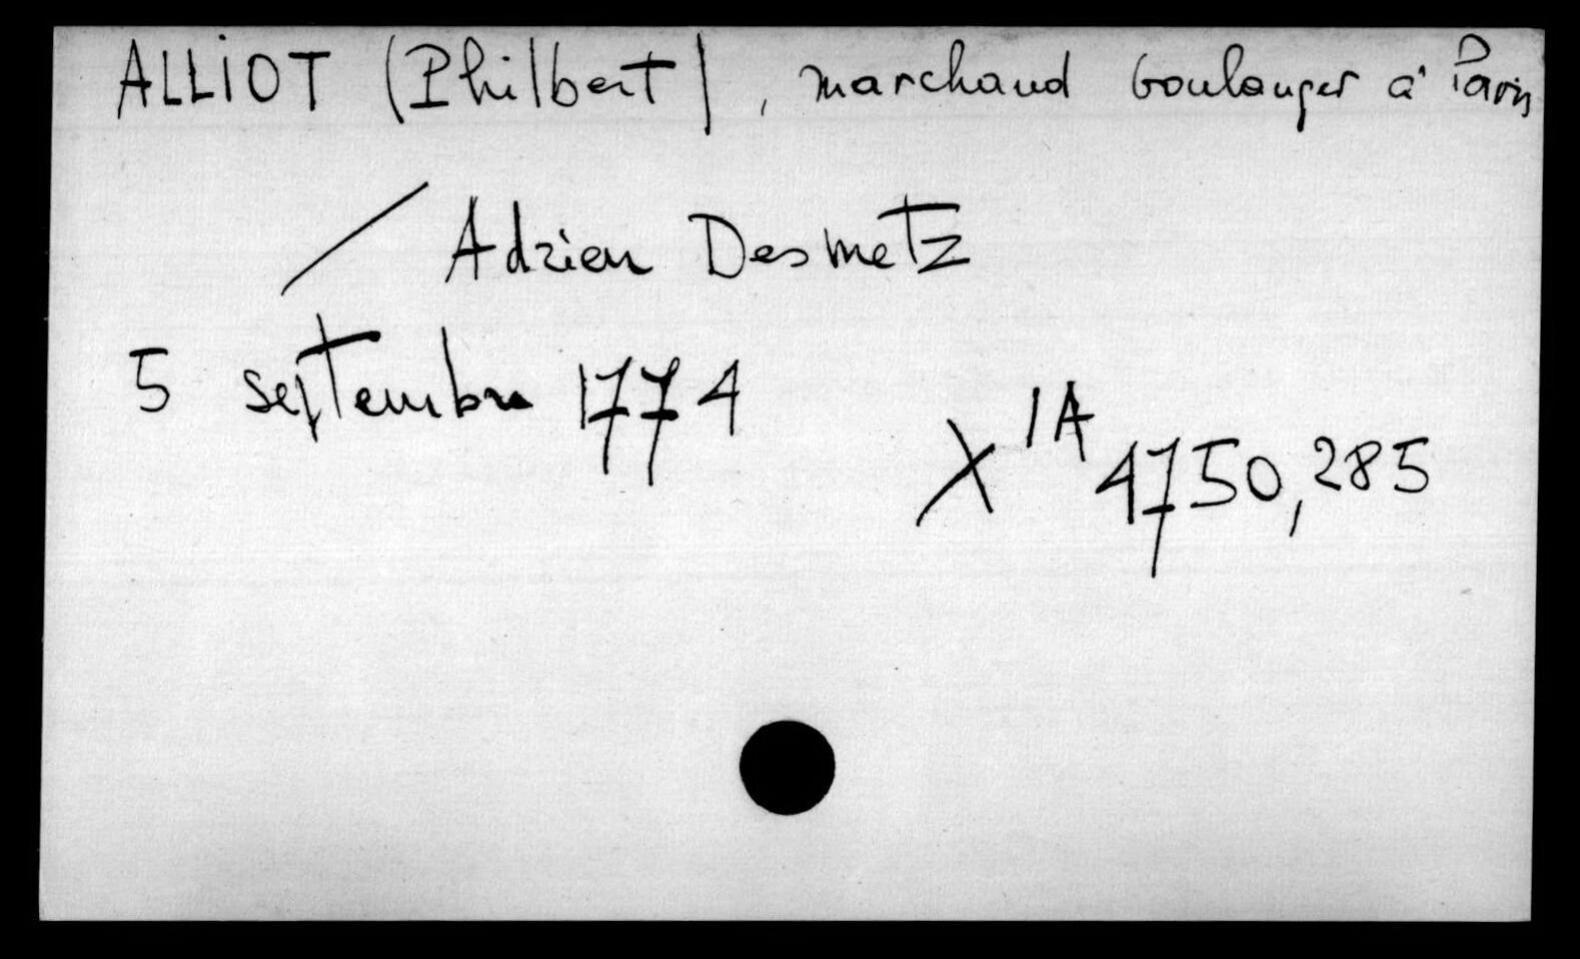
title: ALLIOT (Philbert), marchand boulanger à Paris
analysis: Contre Adrien Desmetz
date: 5 septembre 1774
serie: X1A
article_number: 4750
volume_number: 285
